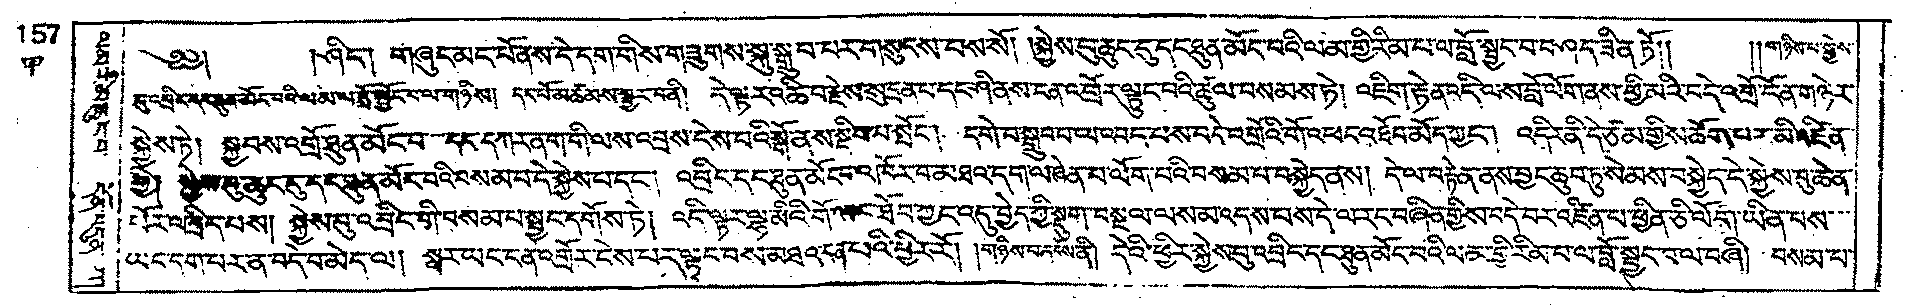༄༅། །ཤིང་། གཞུང་མང་པོ་ནས་དེ་དག་གིས་གཟུངས་སྐུ་སྒྲུབ་པར་གསུངས་པས་སོ། །སྐྱེས་བུ་ཆུང་དུ་དང་ཐུན་མོང་བའི་ལམ་གྱི་རིམ་པ་ལ་བློ་སྦྱང་བ་བཤད་ཟིན་ཏོ།། །།གཉིས་པ་སྐྱེས་
བུ་འབྲིང་དང་ཐུན་མོང་བའི་ལམ་ལ་བློ་སྦྱོང་བ་ལ་གཉིས། དང་པོ་མཚམས་སྦྱར་བ་ནི། དེ་ལྟར་འཆི་བ་རྗེས་སུ་དྲན་པ་དང་ཤི་ནས་ངན་འགྲོར་ལྟུང་བའི་ཚུལ་བསམས་ཏེ། འཇིག་རྟེན་འདི་ལས་བློ་ལོག་ནས་ཕྱི་མའི་བདེ་འགྲོ་དོན་གཉེར་
སྐྱེས་ཏེ། སྐྱབས་འགྲོ་ཐུན་མོང་བདང་དཀར་ནག་གི་ལས་འབྲས་ངེས་པའི་སྒོ་ནས་སྡིག་པ་སྤོང་། དགེ་བ་སྒྲུབ་པ་ལ་འབད་པས་བདེ་འགྲོའི་གོ་འཕང་འཐོབ་མོད་ཀྱང་། འདིར་ནི་དེ་ཙམ་གྱིས་ཆོག་པར་མི་འཛིན་
གྱི༑ སྐྱེས་བུ་ཆུང་དུ་དང་ཐུན་མོང་བའི་བསམ་པ་དེ་སྐྱེས་པ་དང་། འབྲིང་དང་ཐུན་མོང་བ་འཁོར་བ་མཐའ་དག་ལ་ཞེན་པ་ལོག་པའི་བསམ་པ་བསྐྱེད་ནས། དེ་ལ་བརྟེན་ནས་བྱང་ཆུབ་ཏུ་སེམས་བསྐྱེད་དེ་སྐྱེས་བུ་ཆེན་
པོར་འཁྲིད་པས། སྐྱེས་བུ་འབྲིང་གི་བསམ་པ་སྦྱང་དགོས་ཏེ། འདི་ལྟར་ལྷ་མིའི་གོ་འཕང་ཐོབ་ཀྱང་འདུ་བྱེད་ཀྱི་སྡུག་བསྔལ་ལས་མ་འདས་པས་དེ་ལ་རང་བཞིན་གྱིས་བདེ་བར་འཛིན་པ་ཕྱིན་ཅི་ལོག་ཡིན་པས་
ཡང་དག་པར་ན་བདེ་བ་མེད་ལ། སླར་ཡང་ངན་འགྲོར་ངེས་པར་ལྟུང་བས་མཐའ་ངན་པའི་ཕྱིར་རོ། །གཉིས་པ་དངོས་ནི།  དེའི་ཕྱིར་སྐྱེས་བུ་འབྲིང་དང་ཐུན་མོང་བའི་ལམ་གྱི་རིམ་པ་ལ་བློ་སྦྱང་བ་ལ་བཞི། བསམ་པ་